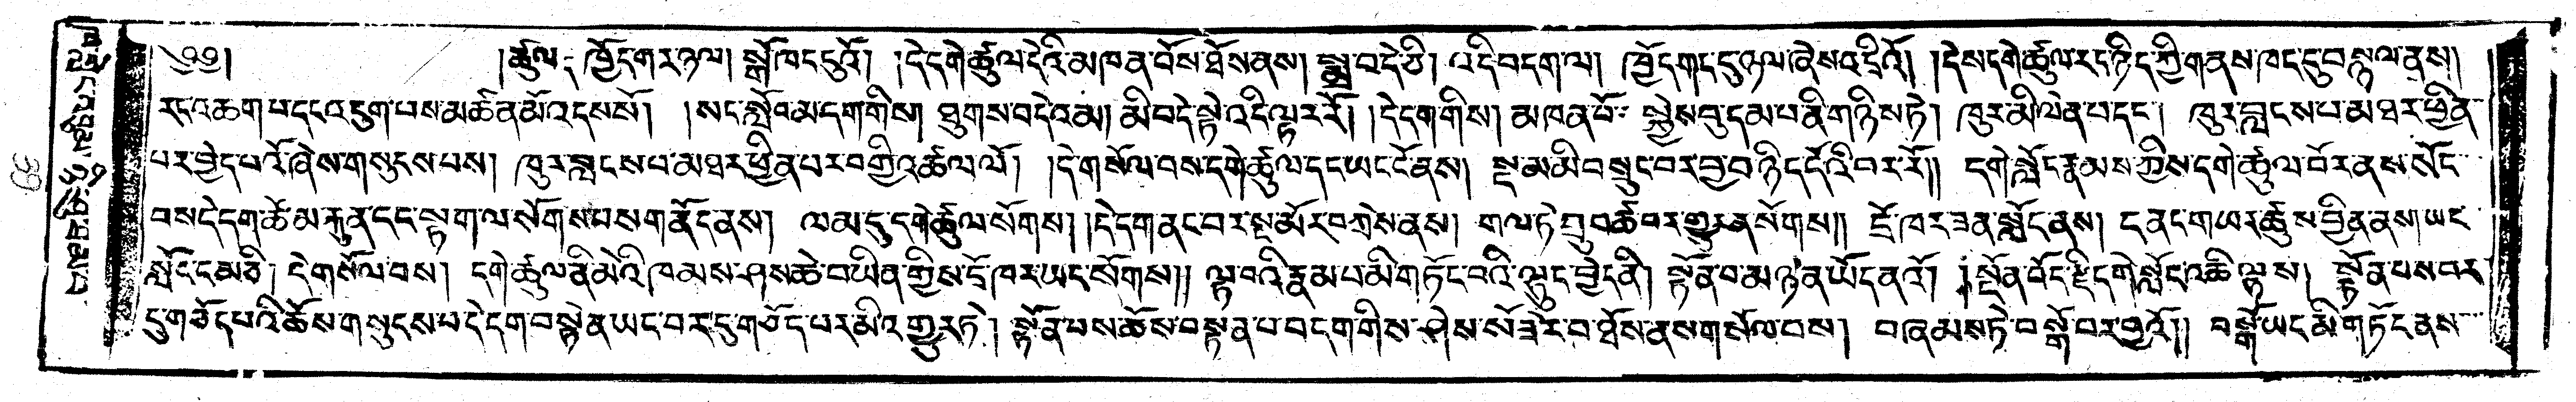༄༅། །ཚུལ༑ ཁྱོད་གར་ཉལ། སྒོ་ཁང་དུའོ། །དེ་དགེ་ཚུལ་དེའི་མཁན་བོས་ཐོས་ནས། སྨྲ་བ་དེ་ཅི། འདི་བདག་ལ། ཁྱོད་གང་དུ་ཉལ་ཞེས་འདྲིའོ། །དེས་དགེ་ཚུལ་རང་ཉིད་ཀྱི་གནས་ཁང་དུ་བསྙལ་ནས།
རང་འཆག་པ་དང་འདུག་པས་མཚན་མོ་འདས་སོ། །སང་སློབ་མ་དག་གིས། ཐུགས་བདེ་འམ། མི་བདེ་སྟེ་འདི་ལྟར་རོ། །དེ་དག་གིས། མཁན་པོས་སྐྱེས་བུ་དམ་པ་ནི་གཉིས་ཏེ། ཁུར་མི་ལེན་པ་དང་། ཁུར་བླངས་པ་མཐར་ཕྱིན་
པར་བྱེད་པའོ་ཞེས་གསུངས་པས། ཁུར་བླངས་པ་མཐར་ཕྱིན་པར་བགྱི་འཚལ་ལོ། །དེ་གསོལ་བས་དགེ་ཚུལ་དང་ཡང་ངོ་ནས། སྔ་མ་མི་བསྲུང་བར་བྱ་བ་ཉིད་དོའི་བར་རོ། །དགེ་སློང་རྣམས་ཀྱིས་དགེ་ཚུལ་བོར་ནས་སོང་
བས་དེ་དག་ཚེ་མ་རྐུན་དང་སྟག་ལ་སོགས་པས་གནོད་ནས། ལམ་དུ་དགེ་ཚུལ་སོགས། །དེ་དག་ནང་བར་སྔ་མོར་བཀྲེས་ནས། གལ་ཏེ་གྲུབ་ཚ་བར་གྱུར་ན་སོགས། །དྲོ་ཁར་ཟན་སློང་ནས། དེ་ནང་གཡར་ཚུས་བྱིན་ནས། ཡང་
སློང་ངམ་ཅི། དེ་གསོལ་བས། དགེ་ཚུལ་ནི་མེའི་ཁམས་ཤས་ཆེ་བ་ཡིན་གྱིས་དྲོ་ཁར་ཡང་སོགས། །ལྟ་བའི་རྣམ་པ་མི་གཏོང་བའི་ལྟུང་བྱེད་ནི། སྟོན་བ་མཉན་ཡོད་ནའོ། །སྔོན་བོད་རྫི་དགེ་སློང་འཆི་ལྟས། སྟོན་པས་བར་
དུ་གཅོད་པའི་ཆོས་གསུངས་པ་དེ་དག་བསྟེན་ཡང་བར་དུ་གཅོད་པར་མི་འགྱུར་ཏེ། སྟོན་པས་ཆོས་བསྟན་པ་བདག་གིས་ཤེས་སོ་ཟེར་བ་ཐོས་ནས་གསོལ་བས། བཞམས་ཏེ་བསྒོ་བར་བྱའོ། །བསྒོ་ཡང་མི་གཏོང་ནས་